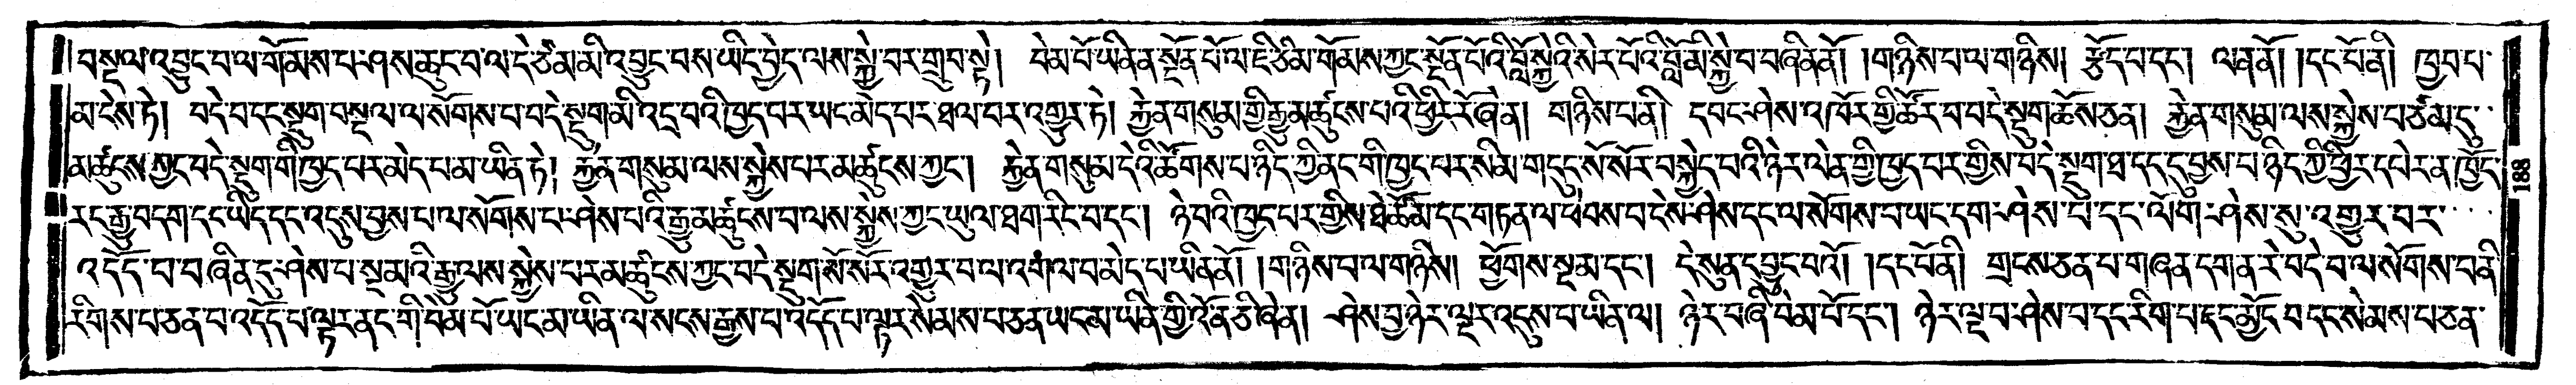བསྔལ་འབྱུང་བ་ལ་གོམས་པ་ཤས་ཆུང་བ་ལ་དེ་ཙམ་མི་འབྱུང་བས་ཡིད་བྱེད་ལས་སྐྱེ་བར་གྲུབ་སྟེ། བེམ་པོ་ཡིན་ན་སྔོན་པོ་ལ་ཇི་ཙམ་གོམས་ཀྱང་སྔོན་པོའི་བློ་སྐྱེའི་སེར་པོའི་བློ་མི་སྐྱེ་བ་བཞིན་ནོ། །གཉིས་པ་ལ་གཉིས། རྩོད་པ་དང་། ལན་ནོ། །དང་པོ་ནི། ཁྱབ་པ་
མ་ངེས་ཏེ། བདེ་བ་དང་སྡུག་བསྔལ་ལ་སོགས་པ་བདེ་སྡུག་མི་འདྲ་བའི་ཁྱད་པར་ཡང་མེད་པར་ཐལ་བར་འགྱུར་ཏེ། རྐྱེན་གསུམ་གྱི་རྒྱུ་མཚུངས་པའི་ཕྱིར་རོ་ཞེ་ན། གཉིས་པ་ནི། དབང་ཤེས་འཁོར་གྱི་ཚོར་བ་བདེ་སྡུག་ཆོས་ཅན། རྐྱེན་གསུམ་ལས་སྐྱེས་པ་ཙམ་དུ་
མཚུངས་ཀྱང་བདེ་སྡུག་གི་ཁྱད་པར་མེད་པ་མ་ཡིན་ཏེ། རྐྱེན་གསུམ་ལས་སྐྱེས་པར་མཚུངས་ཀྱང་། རྐྱེན་གསུམ་དེའི་ཚོགས་པ་ཉིད་ཀྱི་ནང་གི་ཁྱད་པར་སིམ་གདུང་སོ་སོར་བསྐྱེད་པའི་ཉེར་ལེན་གྱི་ཁྱད་པར་གྱིས་བདེ་སྡུག་ཐ་དད་དུ་བྱས་པ་ཉིད་ཀྱི་ཕྱིར་དཔེར་ན་ཁྱོད་
རང་རྒྱུ་བདག་དང་ཡིད་དང་འདུས་བྱས་པ་ལ་སོགས་པ་ཤེས་པའི་རྒྱུ་མཚུངས་པ་ལས་སྐྱེས་ཀྱང་ཡུལ་ཐག་རིང་བ་དང་། ཉེ་བའི་ཁྱད་པར་གྱིས་ཐེ་ཚོམ་དང་གཏན་ལ་ཕེབས་པ་ངེས་ཤེས་དང་ལ་སོགས་པ་ཡང་དག་ཤེས་པ་དང་ལོག་ཤེས་སུ་འགྱུར་བར་
འདོད་པ་བཞིན་དུ་ཤེས་པ་སྔ་མའི་རྒྱུ་ལས་སྐྱེས་པར་མཚུངས་ཀྱང་བདེ་སྡུག་སོ་སོར་འགྱུར་བ་ལ་འགལ་བ་མེད་པ་ཡིན་ནོ། །གཉིས་པ་ལ་གཉིས། ཕྱོགས་སྔ་མ་དང་། དེ་སུན་དབྱུང་བའོ། །དང་པོ་ནི། གྲངས་ཅན་པ་གཞན་དག་ན་རེ་བདེ་བ་ལ་སོགས་པ་ནི་
རིགས་པ་ཅན་པ་འདོད་པ་ལྟར་ནང་གི་བེམ་པོ་ཡང་མ་ཡིན་ལ་སངས་རྒྱས་པ་འདོད་པ་ལྟར་སེམས་པ་ཅན་ཡང་མ་ཡིན་གྱི་འོ་ན་ཅི་ཞེ་ན། ཤེས་བྱ་ཉེར་ལྔར་འདུས་པ་ཡིན་ལ། ཉེར་བཞི་བེམ་པོ་དང་། ཉེར་ལྔ་པ་ཤེས་པ་དང་རིག་པ་དང་མྱོང་བ་དང་སེམས་པ་ཅན་